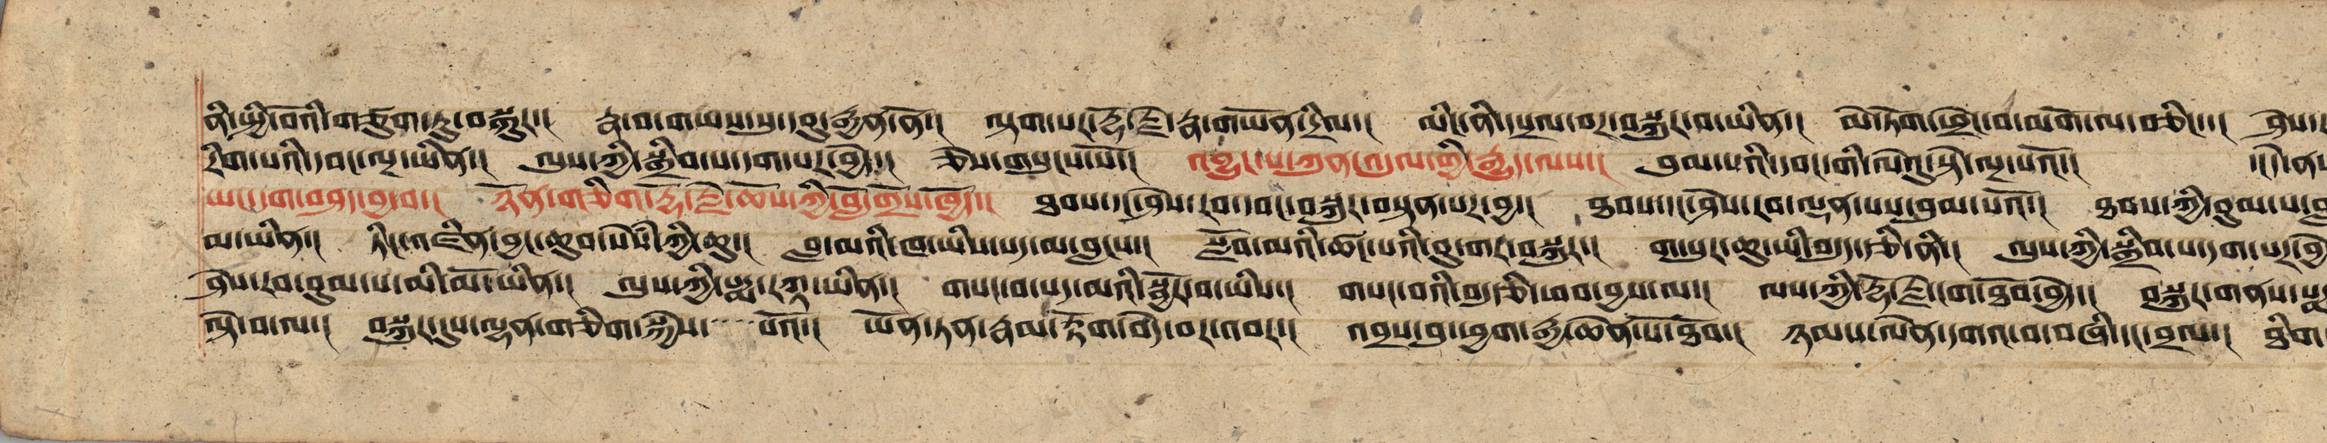ནི་སྤྱི་བོའི་གཙུག་ཏུ་བསྐུར་། རྣ་བ་གཡས་སུ་དབུ་རྒྱན་ནོ་། ལྟག་པར་རྡོ་རྗེ་རྣ་གཡོན་དྲིལ་། མིང་ནི་དཔྲལ་བར་བསྐུར་བ་ཡིན་། མེ་ཏོག་ཕྲེང་བ་མགོ་ལ་བཅིང་་། ཤེས་
རིག་པའི་དབང་ལྔ་ཡིན་། ལུས་ཀྱི་སྒྲིབ་པ་དག་པར་བྱེད་། ཅེས་གསུངས་སོ་། འབྱུང་པ་ཀུན་འདུལ་གྱི་རྒྱུད་ལས་། བུམ་པའི་དབང་གི་ལེའུ་སྟེ་ལྔ་པའོ་། ་།དེ་ན་
ཡང་དག་བཤད་བྱ་བ་། ཉོན་གཅིག་རྡོ་རྗེ་ཆོས་ཀྱི་བློ་གྲོས་ཁྱོད་། ཐབས་དང་ཤེས་རབ་དབང་བསྐུར་བསྟན་པར་བྱ་། ཐབས་དང་ཤེས་རབ་ལྡན་པས་བུམ་པའོ་། ཐབས་ཀྱི་བུམ་པ་བླ
མ་ཡིན་། ཏིང་འཛིན་བྱང་ཆུབ་སེསཾ་ཀྱི་ཆུ་། བླ་མའི་ཁ་ཡིས་པད་མ་བླངས་། སློབ་མའི་ཚང་པའིི་བུ་གར་བསྐུར་། ག་པུར་ཆུ་ཡི་བདུད་རྩི་ནི་། ལུས་ཀྱི་སྒྲིབ་པ་དག་པར་བྱེ
ཤེས་རབ་བུམ་པ་མི་མོ་ཡིན་། ལུས་ཀྱི་པདྨ་རཀྟ་ཡིན་། གསང་བ་པད་མའི་སྦྱོར་བ་ཡིས་། གསང་བའི་བདུད་རྩི་ཕབ་བྱས་ལ་། ལས་ཀྱི་རྡོ་རྗེ་དག་ཐོབ་བྱེད་། བསྐུར་གནས་པདྨ
ལྟེ་བ་ལ་། བསྐུར་དུས་ལྷན་གཅིག་སྐྱེས་ པའོ་། ཡོན་ཏན་རྣམ་རྟོག་བདེ་བར་འབར་། འབྲས་བུ་ཕྱག་རྒྱ་ཆེན་པོ་་ཐོབ་། ཉམས་ལེན་དགའ་བ་བཞི་དང་བྲལ་། ཐིག